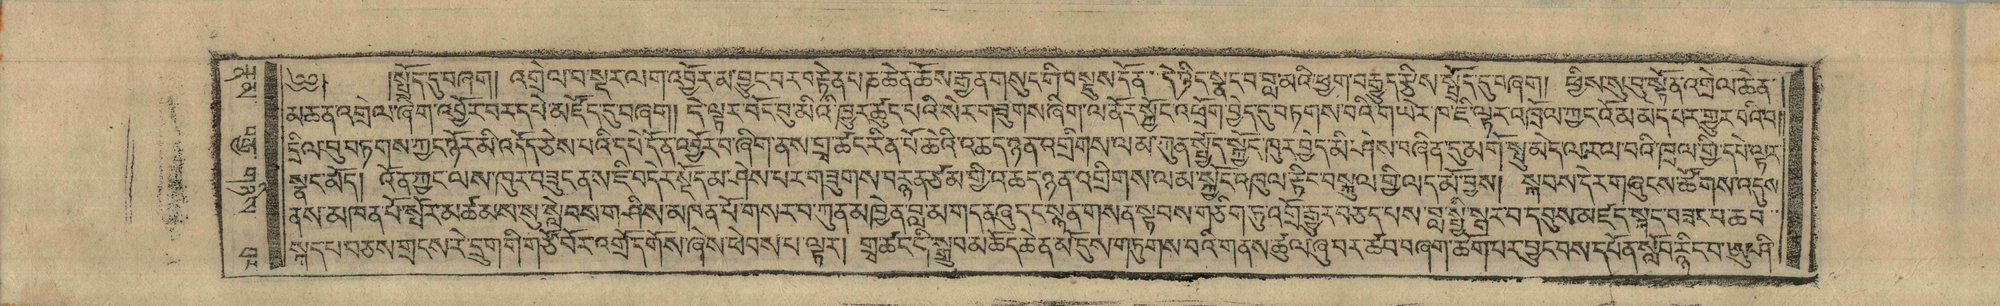༄༅། །སྤྲོད་དུ་བཞག །འགྲེལ་པ་སྔར་ལག་འབྱོར་མ་བྱུང་བར་བརྟེན་པཎ་ཆེན་ཆོས་རྒྱན་གསུང་གི་བསྡུས་དོན་དེ་ཉིད་སྣང་བ་བླ་མའི་ཕྱག་བརྒྱུད་རྩིས་སྤྲོད་དུ་བཞག །ཕྱིས་སུ་བུ་སྟོན་འགྲེལ་ཆེན་
མཆན་འགྲེལ་ཞིག་འབྱོར་བར་དཔེ་མཛོད་དུ་བཞག །དེ་ལྟར་བོང་བུ་མིའི་ཁྱུར་ཚུང་པའི་སེར་གཟུགས་ཞིག་ལ་ནོར་སྐྱོང་འཕྲོག་བྱེད་དུ་བཏགས་པའི་གཡེར་ཁ་ཇི་ལྟར་འཁྲོལ་ཀྱང་འོམ་མེད་པར་གྱུར་བའི་བ།
དྲིལ་བུ་བཏགས་ཀྱང་ཉོར་མི་འདོད་ཅེས་པའི་དཔེ་དོན་འབྱོར་བ་ཞིག་ནས་གྲྭ་ཚང་རིན་པོ་ཆེའི་འཆད་ཉན་འགྲིགས་ལམ་ཀུན་སྤྱོད་སྐྱོང་ཁུར་བྱེད་མི་ཤེས་བཞིན་དུ་མགོ་སྤུ་མེད་ལ་རལ་བའི་ཁྲལ་གྱི་དཔེ་ལྟར་
སྣང་མོད། འོན་ཀྱང་ལས་ཁུར་བཟུང་ནས་ཇི་བདེར་སྡོད་མ་ཤེས་པར་གཟུགས་བརྙན་ཙམ་གྱི་འཆད་ཉན་འགྲིགས་ལམ་སྐྱོང་འཁུལ་རྟིང་བསྐུལ་གྱི་ལད་མོ་བྱས། སྐབས་དེར་གཞུངས་ཚོགས་འདུས་
ནས་མཁན་པོ་སྤོར་མཚམས་སུ་སླེབས་གཤིས་མཁན་པོ་གསར་བ་ཀུན་མཁྱེན་བླ་མ་གདན་ཞུ་དང་སྙན་གསན་སྟབས་གཅིག་ཏུ་འགྲོ་རྒྱུར་བཅད་པས་བླ་སྤྱི་སྒར་བ་དབུས་མཛད་སྐད་བཟང་པ་ཆབ་
སྐད་པ་བཅས་གྲངས་རེ་དྲུག་གི་གཙོ་བོར་འགྲོ་དགོས་ཞེས་ཕེབས་པ་ལྟར། གྲྭ་ཚང་གི་སྒྲུབ་མཆོད་ཆེན་མོ་དུས་གཏུགས་བའི་གནས་ཚུལ་ཞུ་བར་ཚབ་བཞག་ཆོག་པར་བྱུང་བས་དཔོན་སློབ་རྙིང་བ་ཨུ་ཤི་